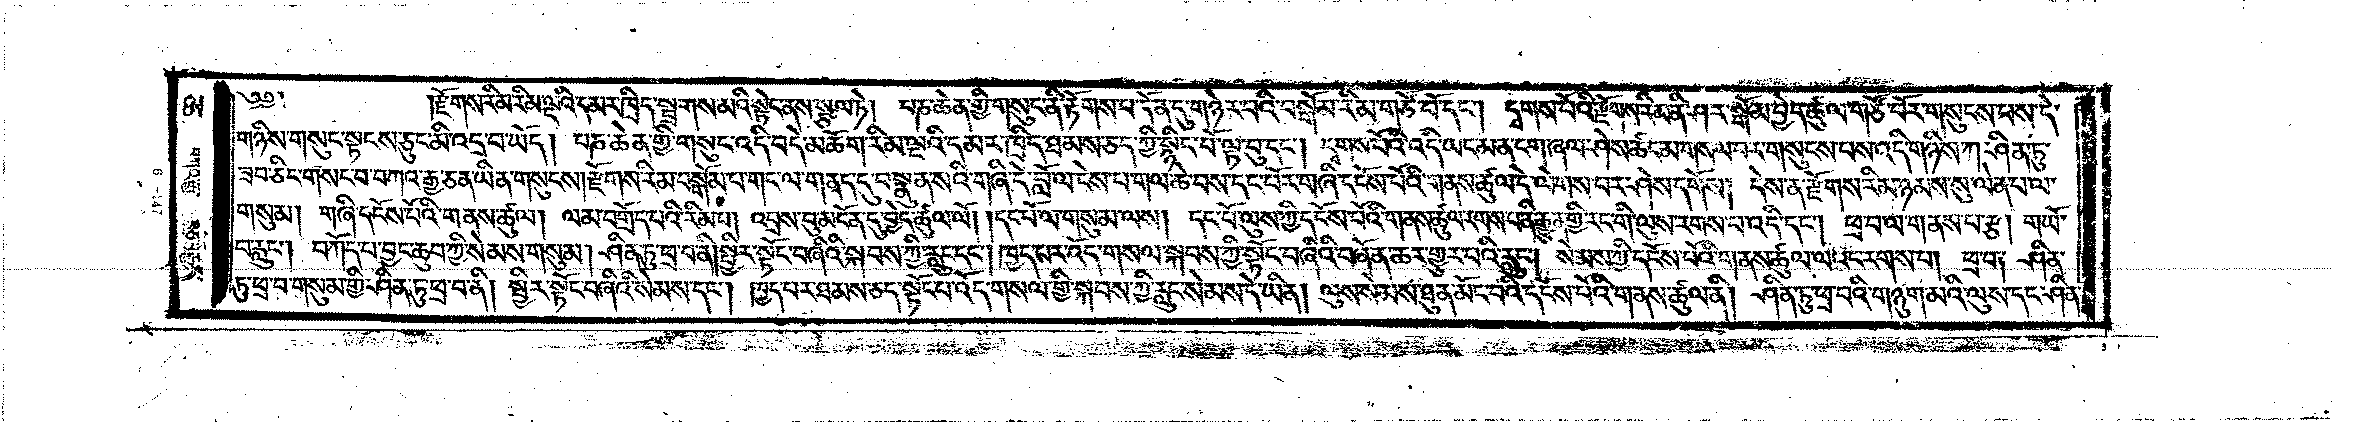༄༅། །རྫོགས་རིམ་རིམ་ལྔའི་དམར་ཁྲིད་སྦྲགས་མའི་སྟེང་ནས་སྩལ་ཏེ། པཎ་ཆེན་གྱི་གསུང་ནི་རྟོགས་པ་དོན་དུ་གཉེར་བའི་བསྒོམ་རིམ་གཙོ་བོ་དང་། དྭགས་པོའི་རྫོགས་རིམ་ནི་ཤར་སྒོམ་བྱེད་ཚུལ་གཙོ་བོར་གསུངས་པས་དེ་
གཉིས་གསུང་སྟངས་ཅུང་མི་འདྲ་བ་ཡོད། པཎ་ཆེན་གྱི་གསུང་འདི་བདེ་མཆོག་རིམ་ལྔའི་དམར་ཁྲིད་ཐམས་ཅད་ཀྱི་སྙིང་པོ་ལྟ་བུ་དང་། དྭགས་པོའི་འདི་ཡང་མན་ངག་ཞལ་ཤེས་ཚང་མ་གསལ་བར་གསུངས་པས་འདི་གཉིས་ཀ་ཤིན་ཏུ་
ཟབ་ཅིང་གསང་བ་བཀའ་རྒྱ་ཅན་ཡིན་གསུངས་།རྫོགས་རིམ་བསྒོམ་ཕ་གང་ལ་གནད་དུ་བསྣུན་སའི་གཞི་དེ་བློ་ལ་ངེས་པ་གལ་ཆེ་བས་དང་པོར་གཞི་དངོས་པོའི་གནས་ཚུལ་དེ་ལེགས་པར་ཤེས་དགོས། དེས་ན་རྫོགས་རིམ་ཉམས་སུ་ལེན་པ་ལ་
གསུམ། གཞི་དངོས་པོའི་གནས་ཚུལ། ལམ་འགྲོད་པའི་རིམ་པ། འབྲས་བུ་མངོན་དུ་བྱེད་ཚུལ་ལོ། །དང་པོ་ལ་གསུམ་ལས། དང་པོ་ལུས་ཀྱི་དངོས་པོའི་གནས་ཚུལ་རགས་པ་ནི་རྒྱུན་གྱི་རང་གི་ལུས་རགས་པ་འདི་དང་། ཕྲ་བ་ལ་གནས་པ་རྩ། གཡོ་
བ་རླུང་། བཀོད་པ་བྱང་ཆུབ་ཀྱི་སེམས་གསུམ། ཤིན་ཏུ་ཕྲ་བ་ནི། སྤྱིར་སྟོང་བཞིའི་སྐབས་ཀྱི་རླུང་དང་། ཁྱད་པར་འོད་གསལ་སྐབས་ཀྱི་སྟོང་བཞིའི་བཞོན་ཆར་གྱུར་བའི་རླུང་། སེམས་ཀྱི་དངོས་པོའི་གནས་ཚུལ་ལའང་རགས་པ། ཕྲ་བ༑ ཤིན་
ཏུ་ཕྲ་བ་གསུམ་གྱི་ཤིན་ཏུ་ཕྲ་བ་ནི། སྤྱིར་སྟོང་བཞིའི་སེམས་དང་། ཁྱད་པར་ཐམས་ཅད་སྟོང་པ་འོད་གསལ་གྱི་སྐབས་ཀྱི་རླུང་སེམས་དེ་ཡིན། ལུས་སེམས་ཐུན་མོང་བའི་དངོས་པོའི་གནས་ཚུལ་ནི། ཤིན་ཏུ་ཕྲ་བའི་གཉུག་མའི་ལུས་དང་ཤིན་